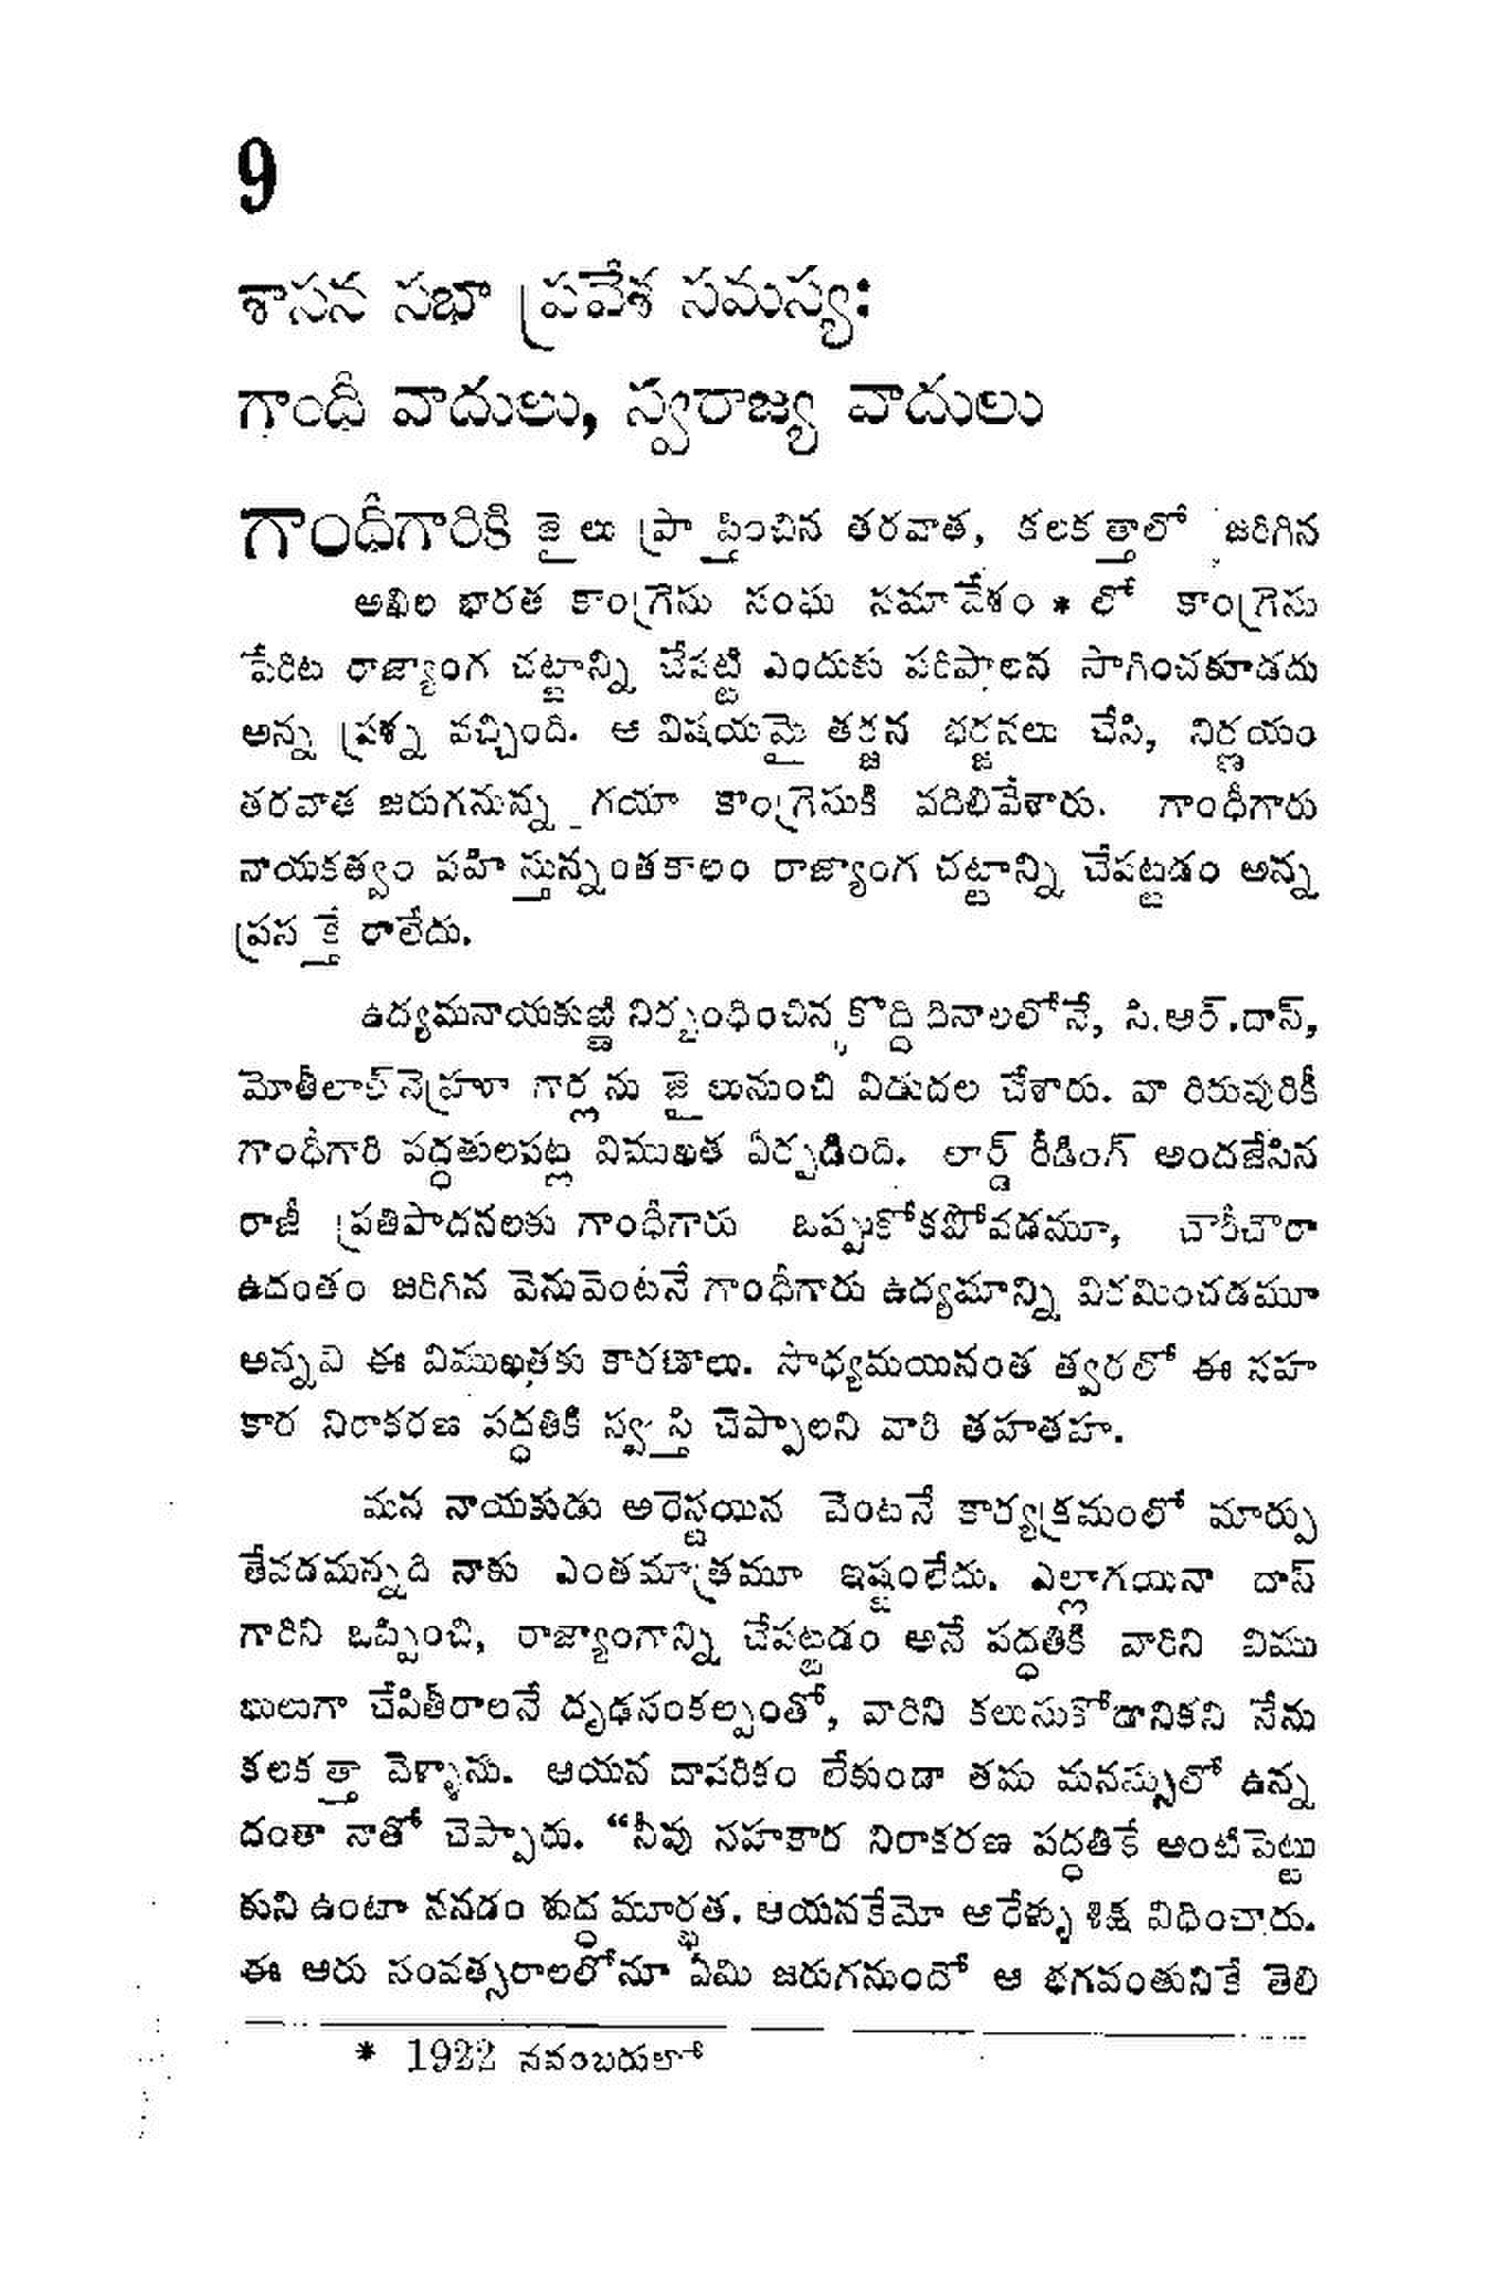గాంధీగారికి జైలు ప్రాప్తించిన తరవాత, కలకత్తాలో జరిగిన అఖిల భారత కాంగ్రెసు సంఘ సమావేశం * లో కాంగ్రెసు పేరిట రాజ్యాంగ చట్టాన్ని చేపట్టి ఎందుకు పరిపాలన సాగించకూడదు అన్న ప్రశ్న వచ్చింది. ఆ విషయమై తర్జన భర్జనలు చేసి, నిర్ణయం తరవాత జరుగనున్న గయా కాంగ్రెసుకి వదిలివేశారు. గాంధీగారు నాయకత్వం వహిస్తున్నంతకాలం రాజ్యాంగ చట్టాన్ని చేపట్టడం అన్న ప్రసక్తే రాలేదు.

ఉద్యమనాయకుణ్ణి నిర్బంధించిన కొద్ది దినాలలోనే, సి.ఆర్.దాస్, మోతీలాల్‌నెహ్రూ గార్లను జైలునుంచి విడుదల చేశారు. వా రిరువురికీ గాంధీగారి పద్దతులపట్ల విముఖత ఏర్పడింది. లార్డ్ రీడింగ్ అందజేసిన రాజీ ప్రతిపాదనలకు గాంధీగారు ఒప్పుకోకపోవడమూ, చౌరీచౌరా ఉదంతం జరిగిన వెనువెంటనే గాంధీగారు ఉద్యమాన్ని విరమించడమూ అన్నవి ఈ విముఖతకు కారణాలు. సాధ్యమయినంత త్వరలో ఈ సహకార నిరాకరణ పద్దతికి స్వస్తి చెప్పాలని వారి తహతహ.

మన నాయకుడు అరెస్టయిన వెంటనే కార్యక్రమంలో మార్పు తేవడమన్నది నాకు ఎంతమాత్రమూ ఇష్టంలేదు. ఎల్లాగయినా దాస్ గారిని ఒప్పించి, రాజ్యాంగాన్ని చేపట్టడం అనే పద్దతికి వారిని విముఖులుగా చేసితీరాలనే దృఢసంకల్పంతో, వారిని కలుసుకోడానికని నేను కలకత్తా వెళ్ళాను. ఆయన దాపరికం లేకుండా తమ మనస్సులో ఉన్నదంతా నాతో చెప్పారు. "నీవు సహకార నిరాకరణ పద్దతికే అంటిపెట్టుకుని ఉంటాననడం శుద్ధ మూర్ఖత. ఆయనకేమో ఆరేళ్ళు శిక్ష విధించారు. ఈ ఆరు సంవత్సరాలలోనూ ఏమి జరుగనుందో ఆ భగవంతునికే తెలి